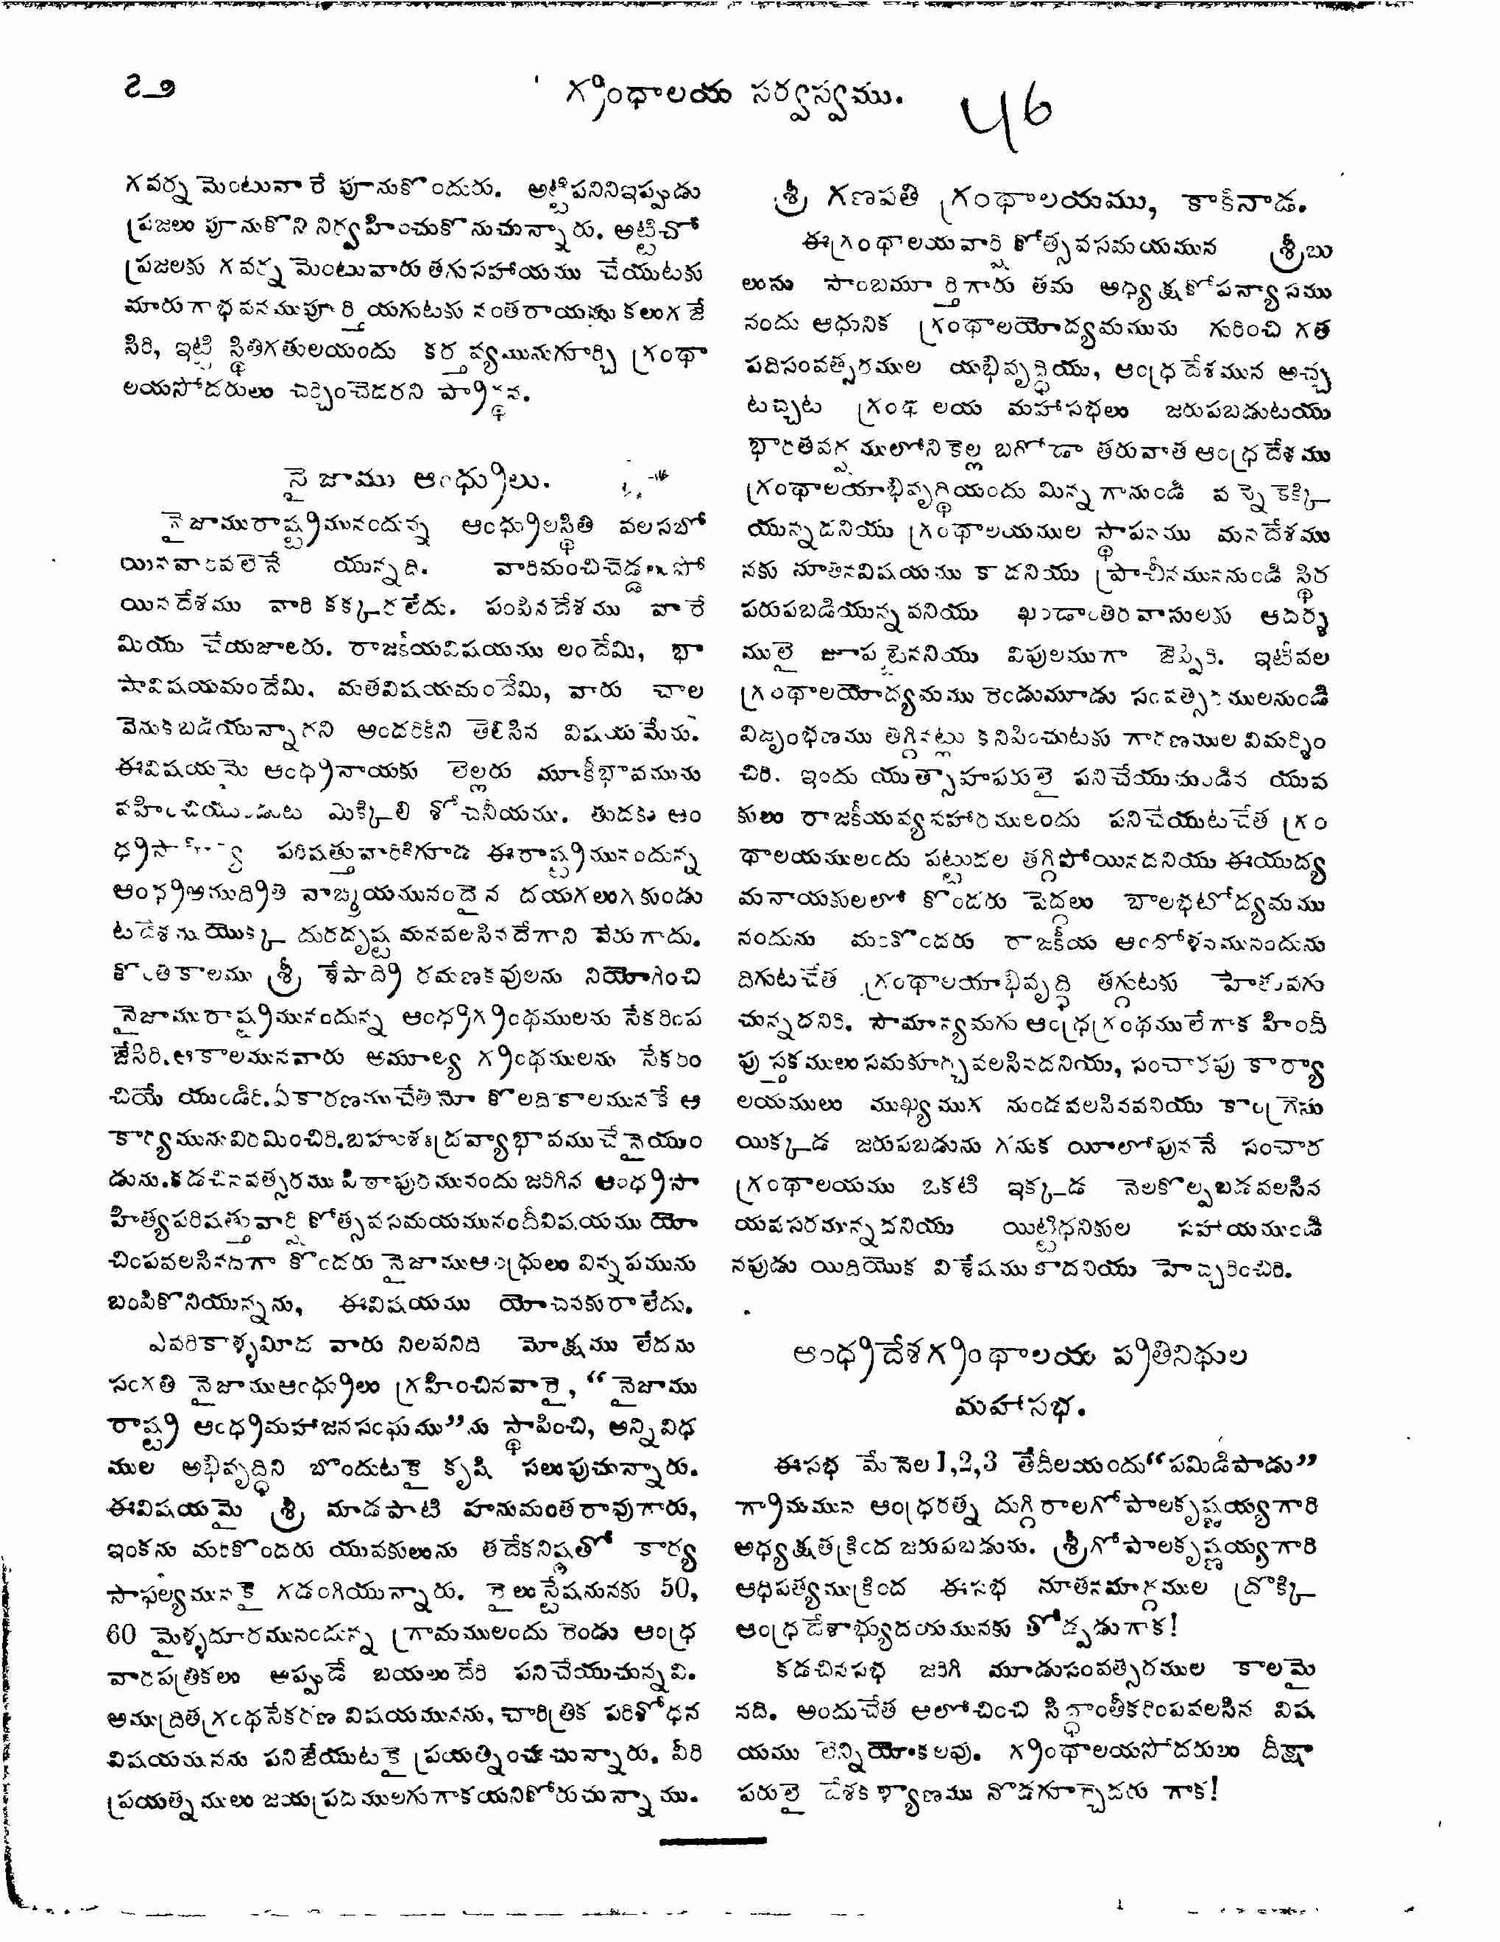గవర్నమెంటువారే పూనుకొందురు. అట్టి పనిని ఇప్పుడు ప్రజలు పూనుకొని నిర్వహించుకొనుచున్నారు. అట్టిచో ప్రజలకు గవర్నమెంటు వారు తగు సహాయము చేయుటకు మారుగా భవనము పూర్తి యగుటకు అంతరాయము కలుగ జేసిరి. ఇట్టి స్థితిగతులయందు కర్తవ్యమును గూర్చి గ్రంథాఅయసోదరులు చర్చించెదరని ప్రార్థన.

నైజాము రాష్ట్రమునందున్న ఆంధ్రులస్థితి వలసబోయినవాడవలెనే యున్నది. వారిమంచి చెడ్డలు పోయిన దేశము వారి కక్కరలేదు. పంపినదేశము వారేమియు చేయజాలరు. రాజకీయవిషయములందేమి, భాషావిషయమందేమి, మతవిషయమందేమి, వారు చాల
వెనుకబడియున్నారని అందరికిని తెలిసిన విషయమేను. ఈవిషయమై ఆంధ్రనాయకు లెల్లరు మూకీభావమును వహించియుండుట మిక్కిలి శోచనీయము. తుదకు ఆంధ్రస్యాహిత్య పరిషత్తువారికిగూడ ఈ రాష్ట్రమునందున్న ఆంధ్రఅముద్రితి నాఙ్మయమునందైన దయగలుగకుండుట దేశము యొక్క దురదృష్ట మనవలసిందేగాని వేరుగాదు. కొంతకాలము శ్రీ శేషాద్రి రమణకవులను నియోగించి
నైజాము రాష్ట్రమునందున్న ఆంధ్రగ్రంధములను సేకరింపజేసిరి. ఆకాలమునవారు అమూల్య గ్రంథములను సేకరించియే యుండిరి.
ఏ కారణముచేతనొ దేశము యొక్క దురదృష్ట మనవలసినదేగాని వేరుగాదు. కొంతకాలము శ్రీ శేషాద్రి రమణకవులను నియోగించి
నైజాము రాష్ట్రమునందున్న ఆంధ్రగ్రంధములను సేకరిఁప జేసిరి. ఆకాలమునవారు అమూల్య గ్రంథములను సేకరించియే యుండిరి. 
ఏ కారణముచేతనొ కొలదికాలమునకే ఆకార్యమును విరమించిరి. బహుశంద్రవ్యాభావముచే నైయుండును. కడచినవత్సరము 
పిఠాపురమునందు జరిగిన ఆంధ్రసాహిత్యపరిషత్తువారి కోత్సవసమయము నందీవిషయము యోచింపవలసినదిగా కొందరు నైజాము-ఆంధ్రులు విన్నపమును బంపికొనియున్నను, ఈవిషయము యోచనకు రాలేదు.

ఎవరికాళ్ళమీద వారు నిలవనిది మోక్షము లేదను సఁగతి నైజాము-ఆంధ్రులు గ్రహించినవారై, “నైజామురాష్ట్ర ఆంధ్రమహాజనసంఘము” ను స్థాపించి, అన్నివిధముల అభివృద్ధిని బొందుటకై కృషి సలుపుచున్నారు. ఈవిషయమై శ్రీ మాడపాటి హనుమంతరావుగారు, ఇంకను మరికొందరు యువకులును తదేకనిష్ఠతో కార్యసాఫల్యమునకై గడంగియున్నారు. రైలుస్టేషనునకు 50, 60 మైళ్ళదూరమునందున్న గ్రామములందు రెండు ఆంధ్రవారపత్రికలు అప్పుడే బయలు దేరి పనిచేయుచున్నవి. అముద్రిత గ్రఁధసేకరణ విషయమునను, చారిత్రిక పరిశోధన విషయమునను పనిజేయుటకై ప్రయత్నించుచున్నారు. వీరి ప్రయత్నములు జయప్రదములగుగాక యనికోరుచున్నాము.

ఈగ్రంథాలయ వారి కోత్సవసమయమున శ్రీ బులుసు సాంబమూర్తి గారు తమ అధ్యక్షుకోపన్యాసము నందు ఆధునిక థాలయోద్యమమును గురించి గత పదిసంవత్సరముల యభివృద్ధియు, ఆంధ్రదేశమున అచ్చటచ్చట గ్రంథాలయ మహాసభలు జరుపబడుటయు భారతవర్షము లోని కెల్లబరోడా తరువాత ఆంధ్రదేశము గ్రంథాలయాభివృద్ధియందు మిన్నగానుండి వన్నెకెక్కి యున్నదనియు గ్రంథాలయముల స్టాపనము మనదేశమునకు నూతన విషయము కాదనియు ప్రాచీనమునినుండి స్థిరపరుపబడియున్నపనియు ఖండాంతరవాసులకు 
ఆదర్శములై జూపెట్టననియు విపులముగా జెప్పరి. ఇటీవల గ్రంథాలయోద్యమము రెండుమూడు సంవత్సరముల నుండి విజృంభణము తగ్గినట్లు కనిపించుటకు గారణమల విమర్శించిరి. ఇందు యుత్సాహపరులై పనిచేయుచుండిన యువకులు రాజకీయవ్యవహారములందు పనిచేయుటచేత గ్రంథాలయములందు పట్టుదల తగ్గిపోయినదనియు ఈ యుద్యమనాయకులలో కొందరు పెద్దలు బాలభటోద్యమము
నందును మరికొందరు రాజకీయ ఆందోళనమునందును దిగుట చేత గ్రంథాలయాభివృద్ధి తగ్గుటకు హేతువగుచున్నదనికి, సామాన్యమగు ఆంధ్రగ్రంథములేగాక హిందీ పుస్తకములు సమకూర్చి వలసినదనియు, సంచారపు కార్యాలయములు ముఖ్యముగ నుండవలసినవనియు కాంగ్రెసు యిక్కడ జరుపబడును గనుక యీలోపుననే సంచార గ్రంథాలయము ఒకటి ఇక్కడ నెలకొల్పబడవలసిన యవసరమున్నదనియు యిట్టిధనికుల సహాయముండినపుడు యిదియొక విశేషముకాదనియు హెచ్చరించిరి.

ఈ సభ మే నెల 1,2,3 తేదీలయందు "పమిడిపాడు” గ్రామమున ఆంధ్రరత్న దుగ్గిరాల గోపాలకృష్ణయ్యగారి అధ్యక్షత క్రింద జరుపబడును. శ్రీ గోపాలకృష్ణయ్యగారి ఆధిపత్యముక్రింద ఈ సభ నూతనమార్గముల ద్రొక్కి ఆంధ్ర దేశాభ్యుదయమునకు తోడ్పడుగాక!

కడచినసభ జరిగి మూడుసంవత్సరముల కాలమైనది. అందుచేత ఆలోచించి సిద్ధాంతీకరింపవలసిన విషయము లెన్నియోకలవు. గ్రంథాలయసోదరులు దీక్షాపరులై దేశకళ్యాణము నొడగూర్చెదరు గాక!